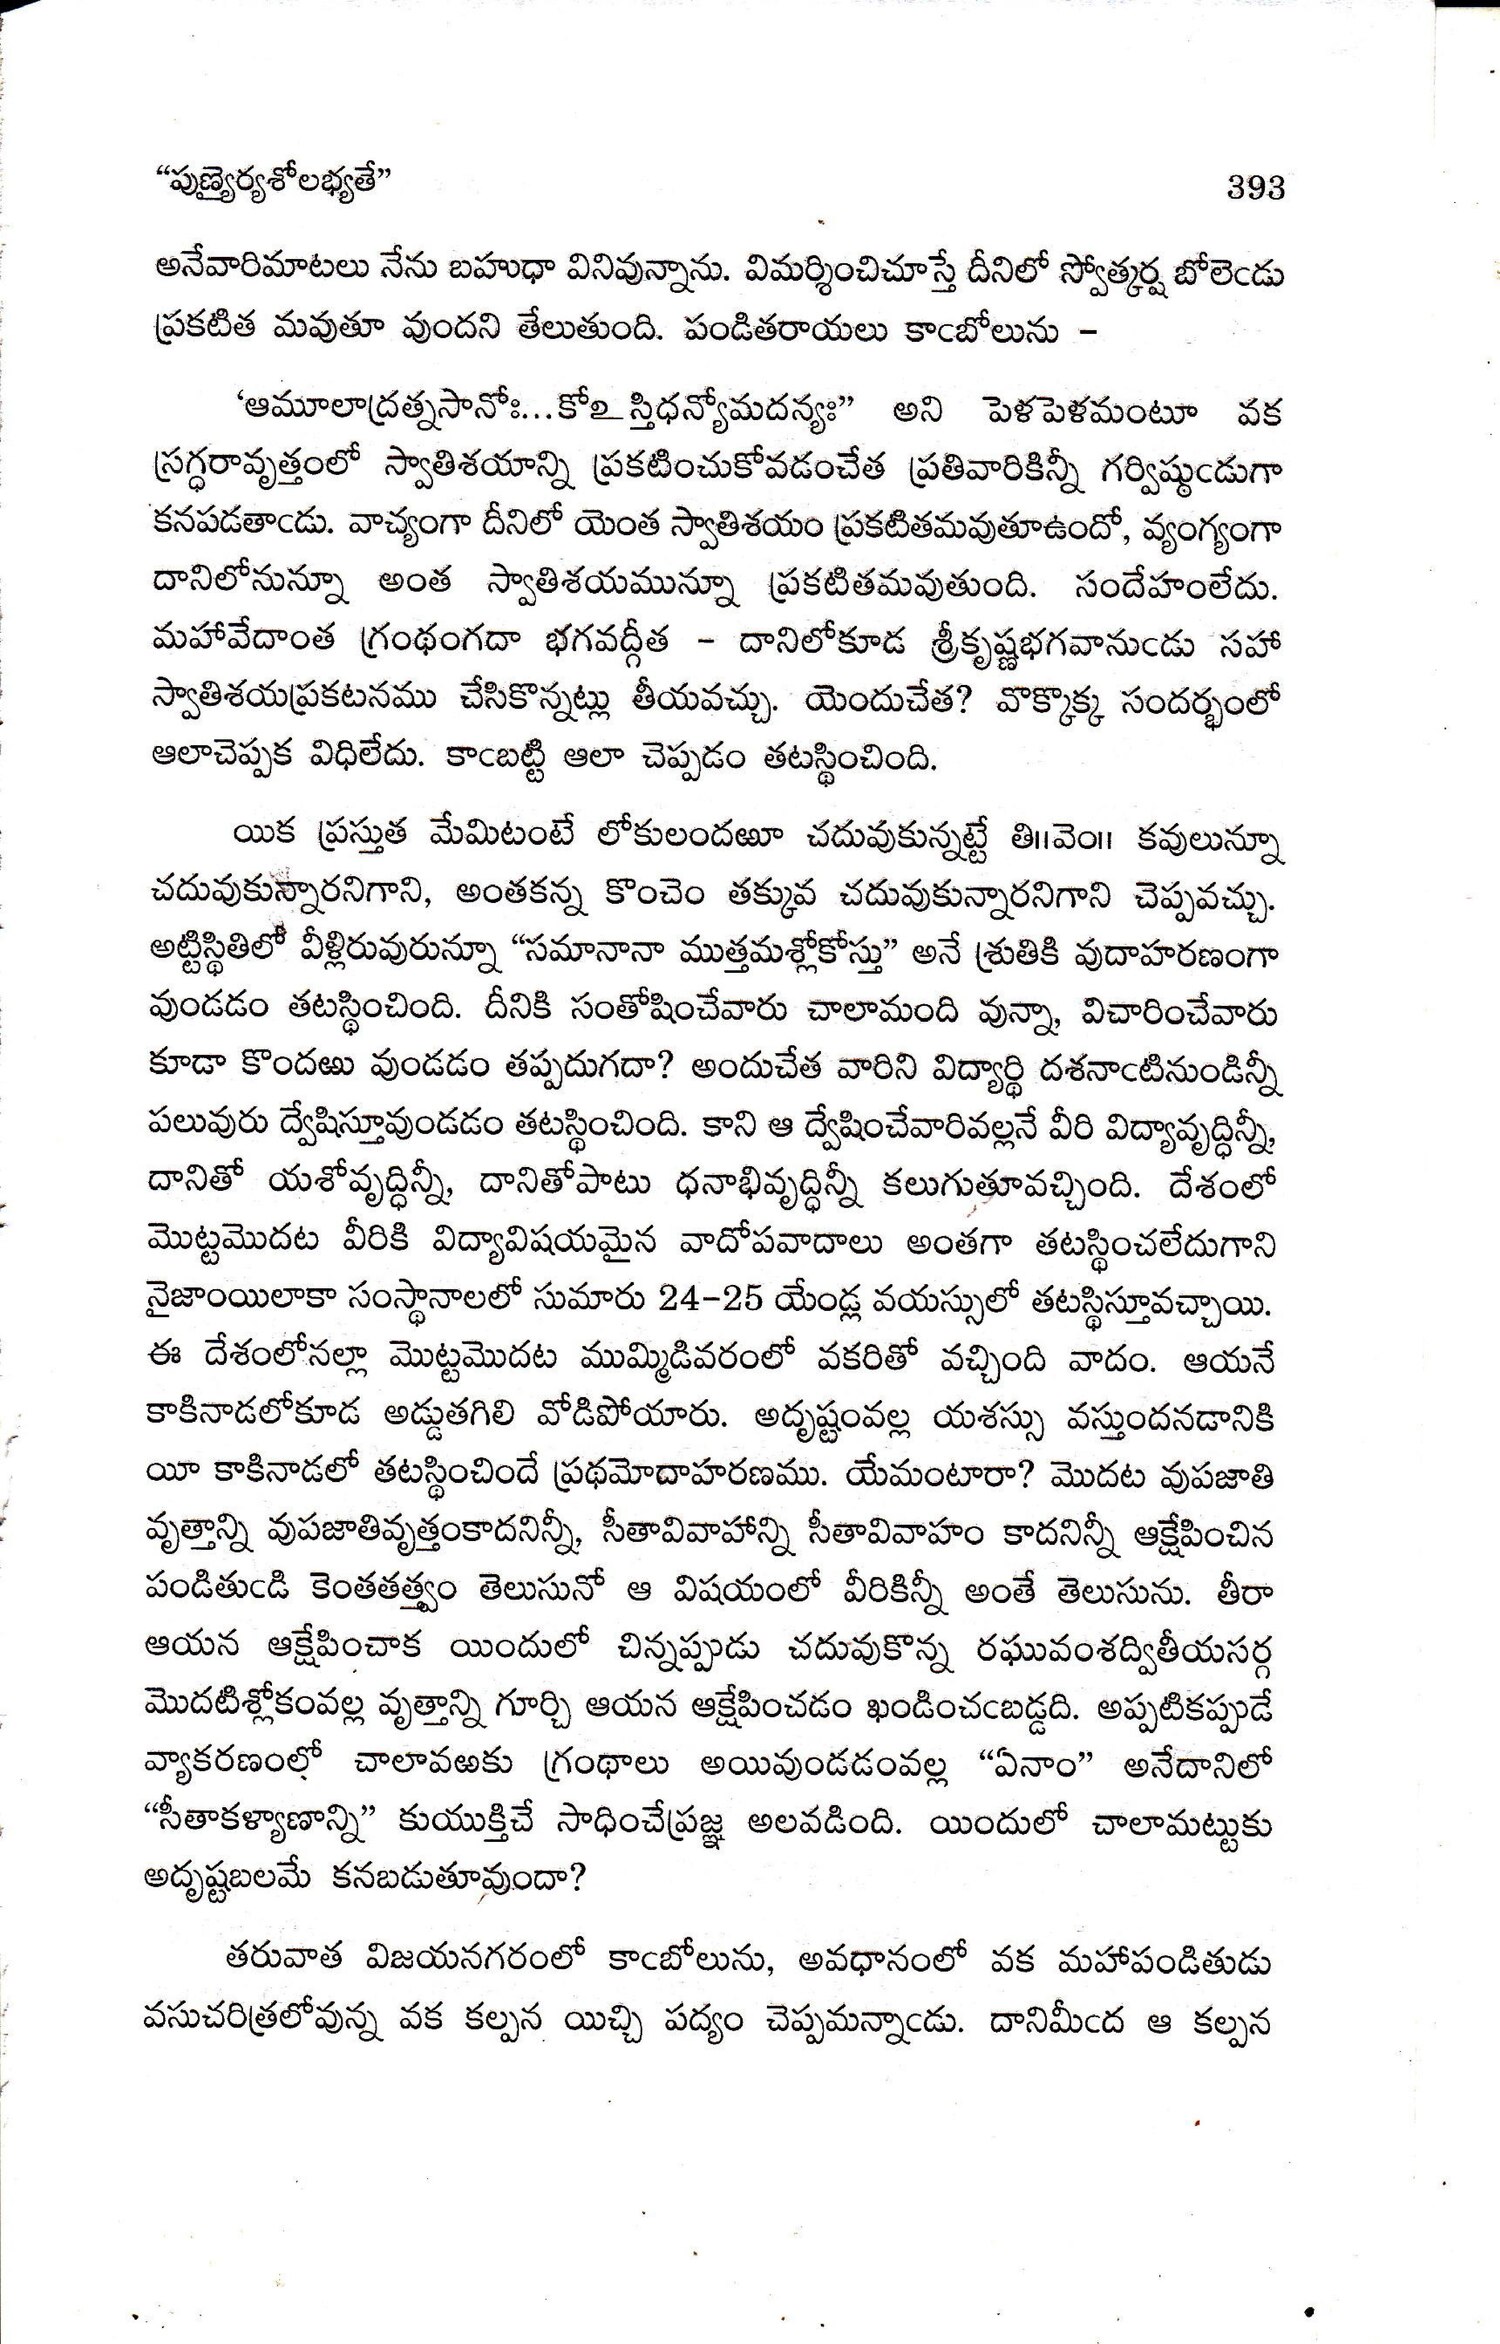అనేవారిమాటలు నేను బహుధా వినివున్నాను. విమర్శించిచూస్తే దీనిలో స్వోత్కర్ష బోలెఁడు ప్రకటిత మవుతూ వుందని తేలుతుంది. పండితరాయలు కాఁబోలును -

"ఆమూలాద్రత్నసానోః...కో౽స్తిధన్యోమదన్యః" అని పెళపెళమంటూ వక స్రగ్దరావృత్తంలో స్వాతిశయాన్ని ప్రకటించుకోవడంచేత ప్రతివారికిన్నీ గర్విష్ఠుఁడుగా కనపడతాఁడు. వాచ్యంగా దీనిలో యెంత స్వాతిశయం ప్రకటితమవుతూఉందో, వ్యంగ్యంగా దానిలోనున్నూ అంత స్వాతిశయమున్నూ ప్రకటితమవుతుంది. సందేహంలేదు. మహావేదాంత గ్రంథంగదా భగవద్గీత - దానిలోకూడ శ్రీకృష్ణభగవానుఁడు సహా స్వాతిశయప్రకటనము చేసికొన్నట్లు తీయవచ్చు. యెందుచేత? వొక్కొక్క సందర్భంలో ఆలాచెప్పక విధిలేదు. కాఁబట్టి ఆలా చెప్పడం తటస్థించింది.

యిక ప్రస్తుత మేమిటంటే లోకులందఱూ చదువుకున్నట్టే తి||వెం|| కవులున్నూ చదువుకున్నారనిగాని, అంతకన్న కొంచెం తక్కువ చదువుకున్నారనిగాని చెప్పవచ్చు. అట్టిస్థితిలో వీళ్లిరువురున్నూ "సమానానా ముత్తమశ్లోకోస్తు" అనే శ్రుతికి వుదాహరణంగా వుండడం తటస్థించింది. దీనికి సంతోషించేవారు చాలామంది వున్నా విచారించేవారు కూడా కొందఱు వుండడం తప్పదుగదా? అందుచేత వారిని విద్యార్థి దశనాఁటినుండిన్నీ పలువురు ద్వేషిస్తూవుండడం తటస్థించింది. కాని ఆ ద్వేషించేవారివల్లనే వీరి విద్యావృద్ధిన్నీ దానితో యశోవృద్ధిన్నీ దానితోపాటు ధనాభివృద్ధిన్నీ కలుగుతూవచ్చింది. దేశంలో మొట్టమొదట వీరికి విద్యావిషయమైన వాదోపవాదాలు అంతగా తటస్థించలేదుగాని నైజాంయిలాకా సంస్థానాలలో సుమారు 24-25 యేండ్ల వయస్సులో తటస్థిస్తూవచ్చాయి. ఈ దేశంలోనల్లా మొట్టమొదట ముమ్మిడివరంలో వకరితో వచ్చింది వాదం. ఆయనే కాకినాడలోకూడ అడ్డుతగిలి వోడిపోయారు. అదృష్టంవల్ల యశస్సు వస్తుందనడానికి యీ కాకినాడలో తటస్థించిందే ప్రథమోదాహరణము. యేమంటారా? మొదట వుపజాతి వృత్తాన్ని వుపజాతివృత్తంకాదనిన్నీ సీతావివాహాన్ని సీతావివాహం కాదనిన్నీ ఆక్షేపించిన పండితుఁడి కెంతతత్త్వం తెలుసునో ఆ విషయంలో వీరికిన్నీ అంతే తెలుసును. తీరా ఆయన ఆక్షేపించాక యిందులో చిన్నప్పుడు చదువుకొన్న రఘువంశద్వితీయసర్గ మొదటి శ్లోకంవల్ల వృత్తాన్ని గూర్చి ఆయన ఆక్షేపించడం ఖండించఁబడ్డది. అప్పటికప్పుడే వ్యాకరణంలో చాలావఱకు గ్రంథాలు అయివుండడంవల్ల “ఏనాం” అనేదానిలో "సీతాకళ్యాణాన్ని" కుయుక్తిచే సాధించేప్రజ్ఞ అలవడింది. యిందులో చాలామట్టుకు అదృష్టబలమే కనబడుతూవుందా?

తరువాత విజయనగరంలో కాఁబోలును, అవధానంలో వక మహాపండితుడు వసుచరిత్రలోవున్న వక కల్పన యిచ్చి పద్యం చెప్పమన్నాఁడు. దానిమీఁద ఆ కల్పన